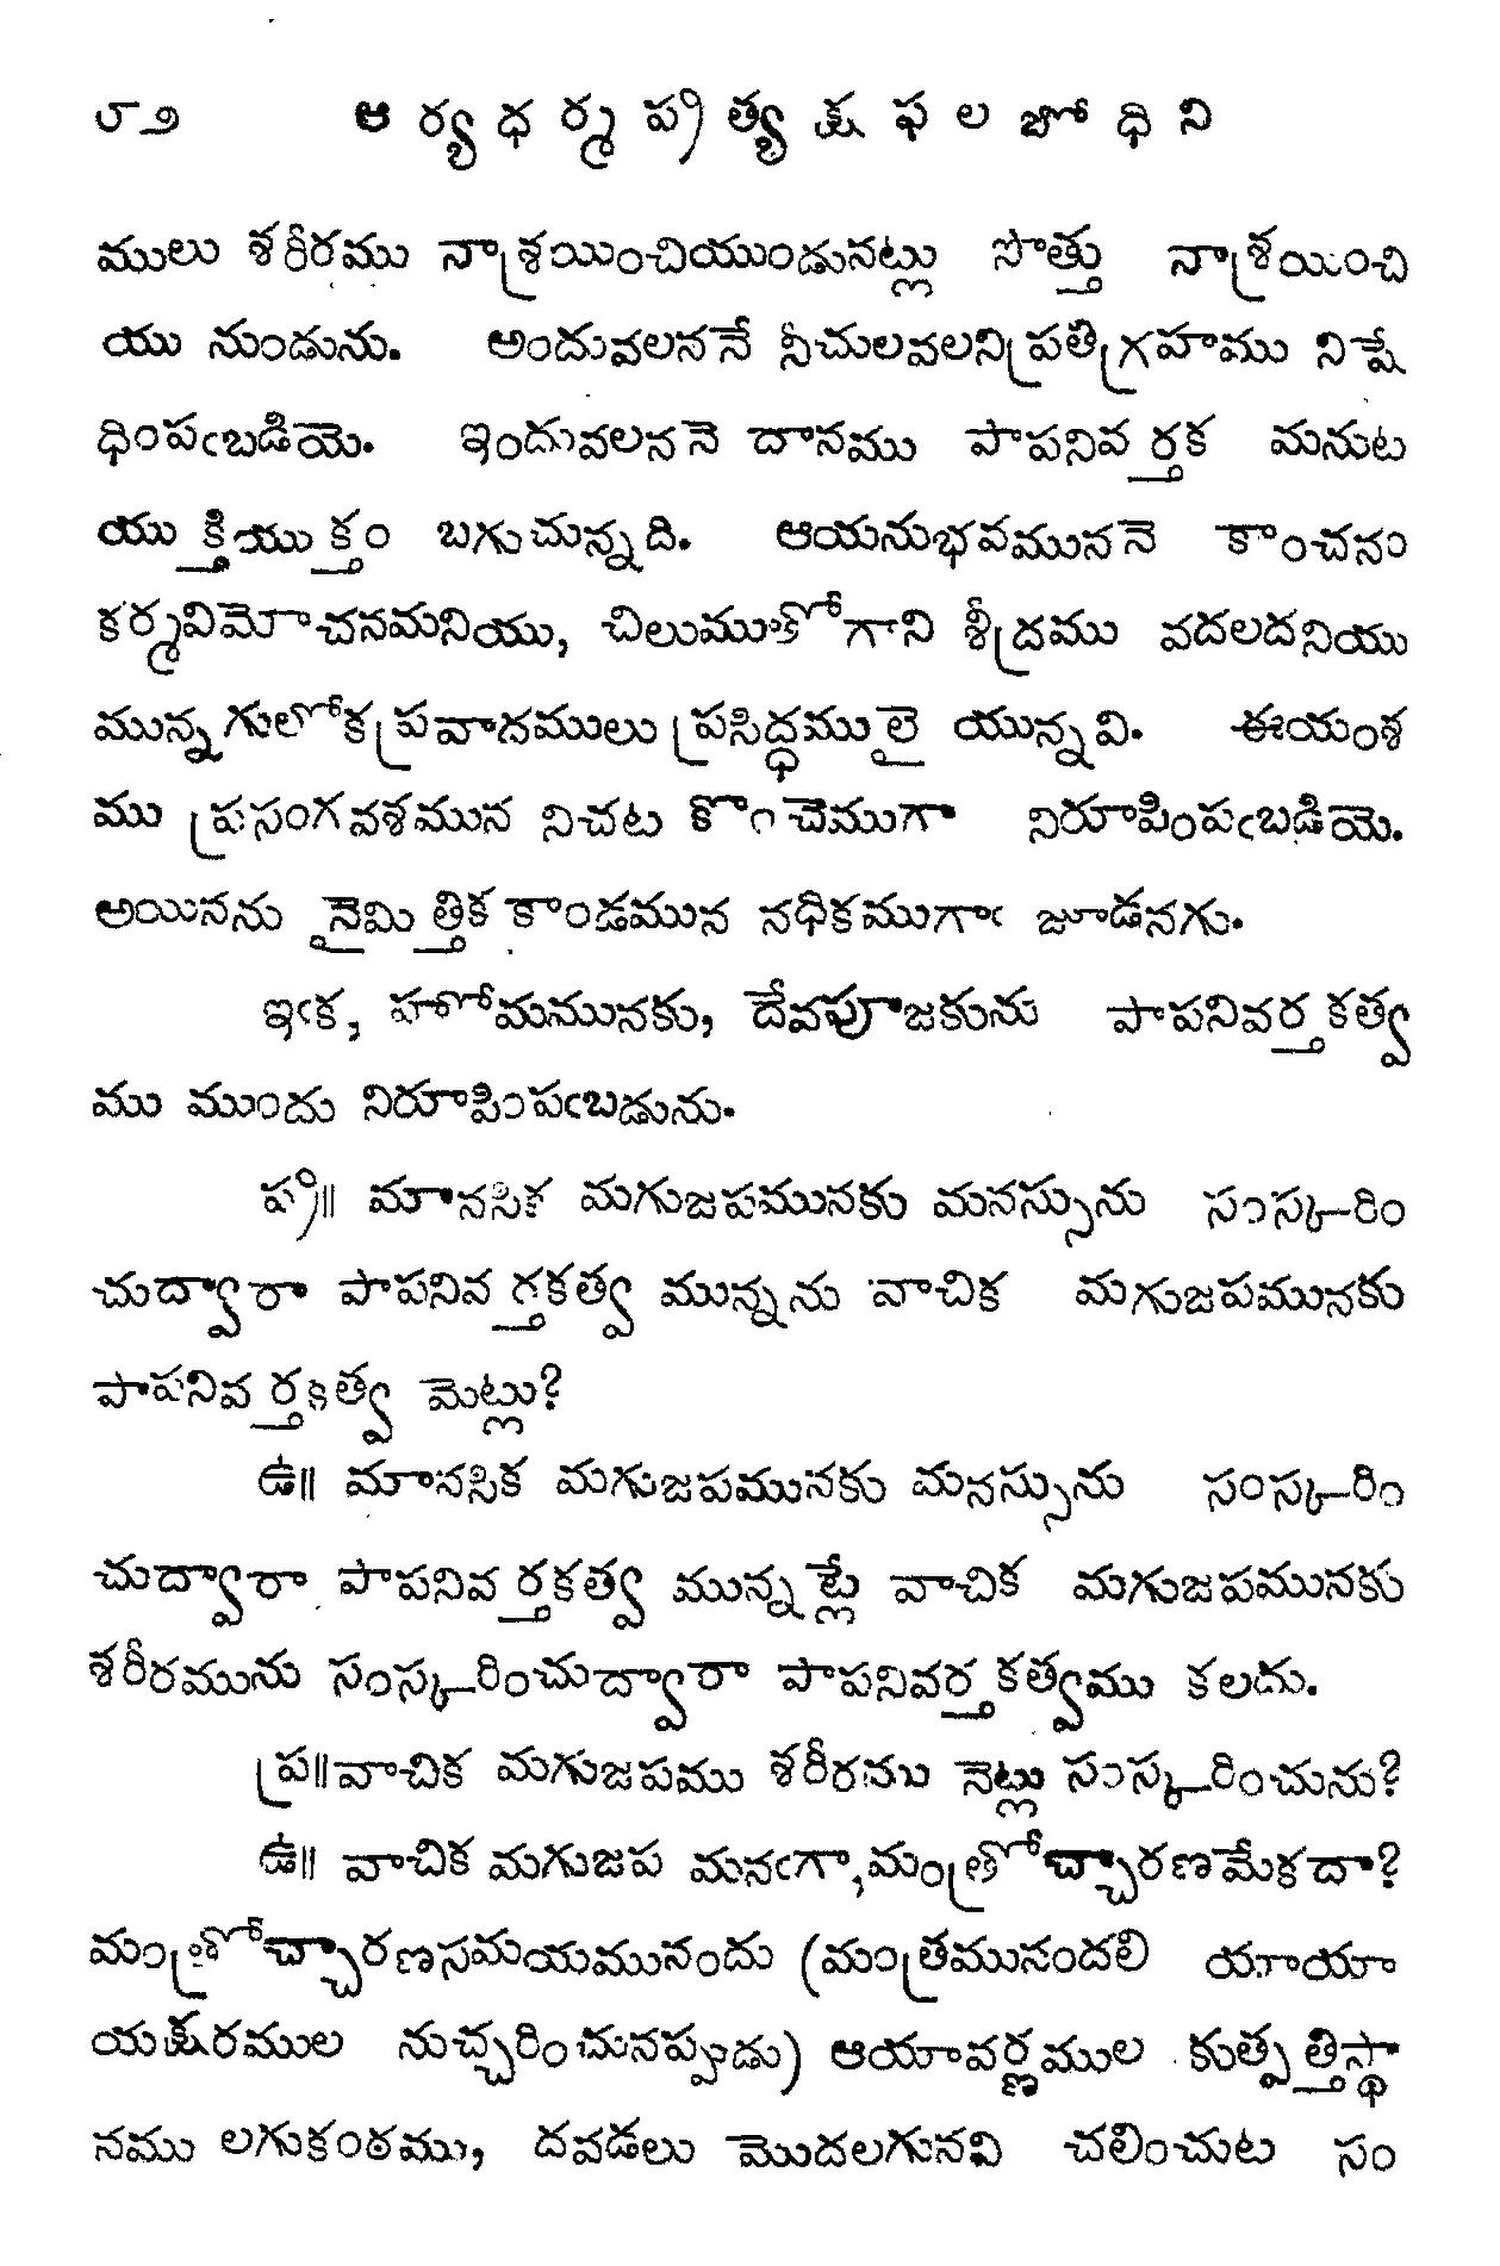ములు శరీరము నాశ్రయించియుండునట్లు సొత్తు నాశ్రయించియు నుండును. అందువలననే నీచులవలని ప్రతిగ్రహము నిషేధింపఁబడియె ఇందువలననె దానము పాపనివర్తక మనుట యుక్తియుక్తం బగుచున్నది. ఆయనుభవముననె కాంచనం కర్మవిమోచనమనియు, చిలుముతోగాని శీద్రము వదలదనియు మున్నగులోక ప్రవాదములు ప్రసిద్ధములై యున్నవి. ఈయంశము ప్రసంగవశమున నిచట కొంచెముగా నిరూపింపఁబడియె.
అయినను నైమిత్తిక కాండమున నధికముగాఁ జూడనగు.

ఇఁక, హోమమునకు, దేవపూజకును పాపనివర్తకత్వము ముందు నిరూపింపఁబడును.

ప్ర॥ మానసిక మగుజపమునకు మనస్సును సంస్కరించుద్వారా పాపనివర్తకత్వ మున్నను వాచిక మగుజపమునకు
పాపనివర్తకత్వ మెట్లు?

ఉ॥ మానసిక మగుజపమునకు మనస్సును సంస్కరించుద్వారా పాపనివర్తకత్వ మున్నట్లే వాచిక మగుజపమునకు
శరీరమును సంస్కరించుద్వారా పాపనివర్తకత్వము కలదు.

ప్ర॥వాచిక మగుజపము శరీరము నెట్లు సంస్కరించును?

ఉ॥ వాచిక మగుజప మనఁగా, మంత్రోచ్చారణమేకదా? మంత్రోచ్చారణసమయమునందు (మంత్రమునందలి యాయా యక్షరముల నుచ్చరించునప్పుడు) ఆయావర్ణముల కుత్పత్తిస్థానము లగుకంఠము, దవడలు మొదలగునవి చలించుట సం